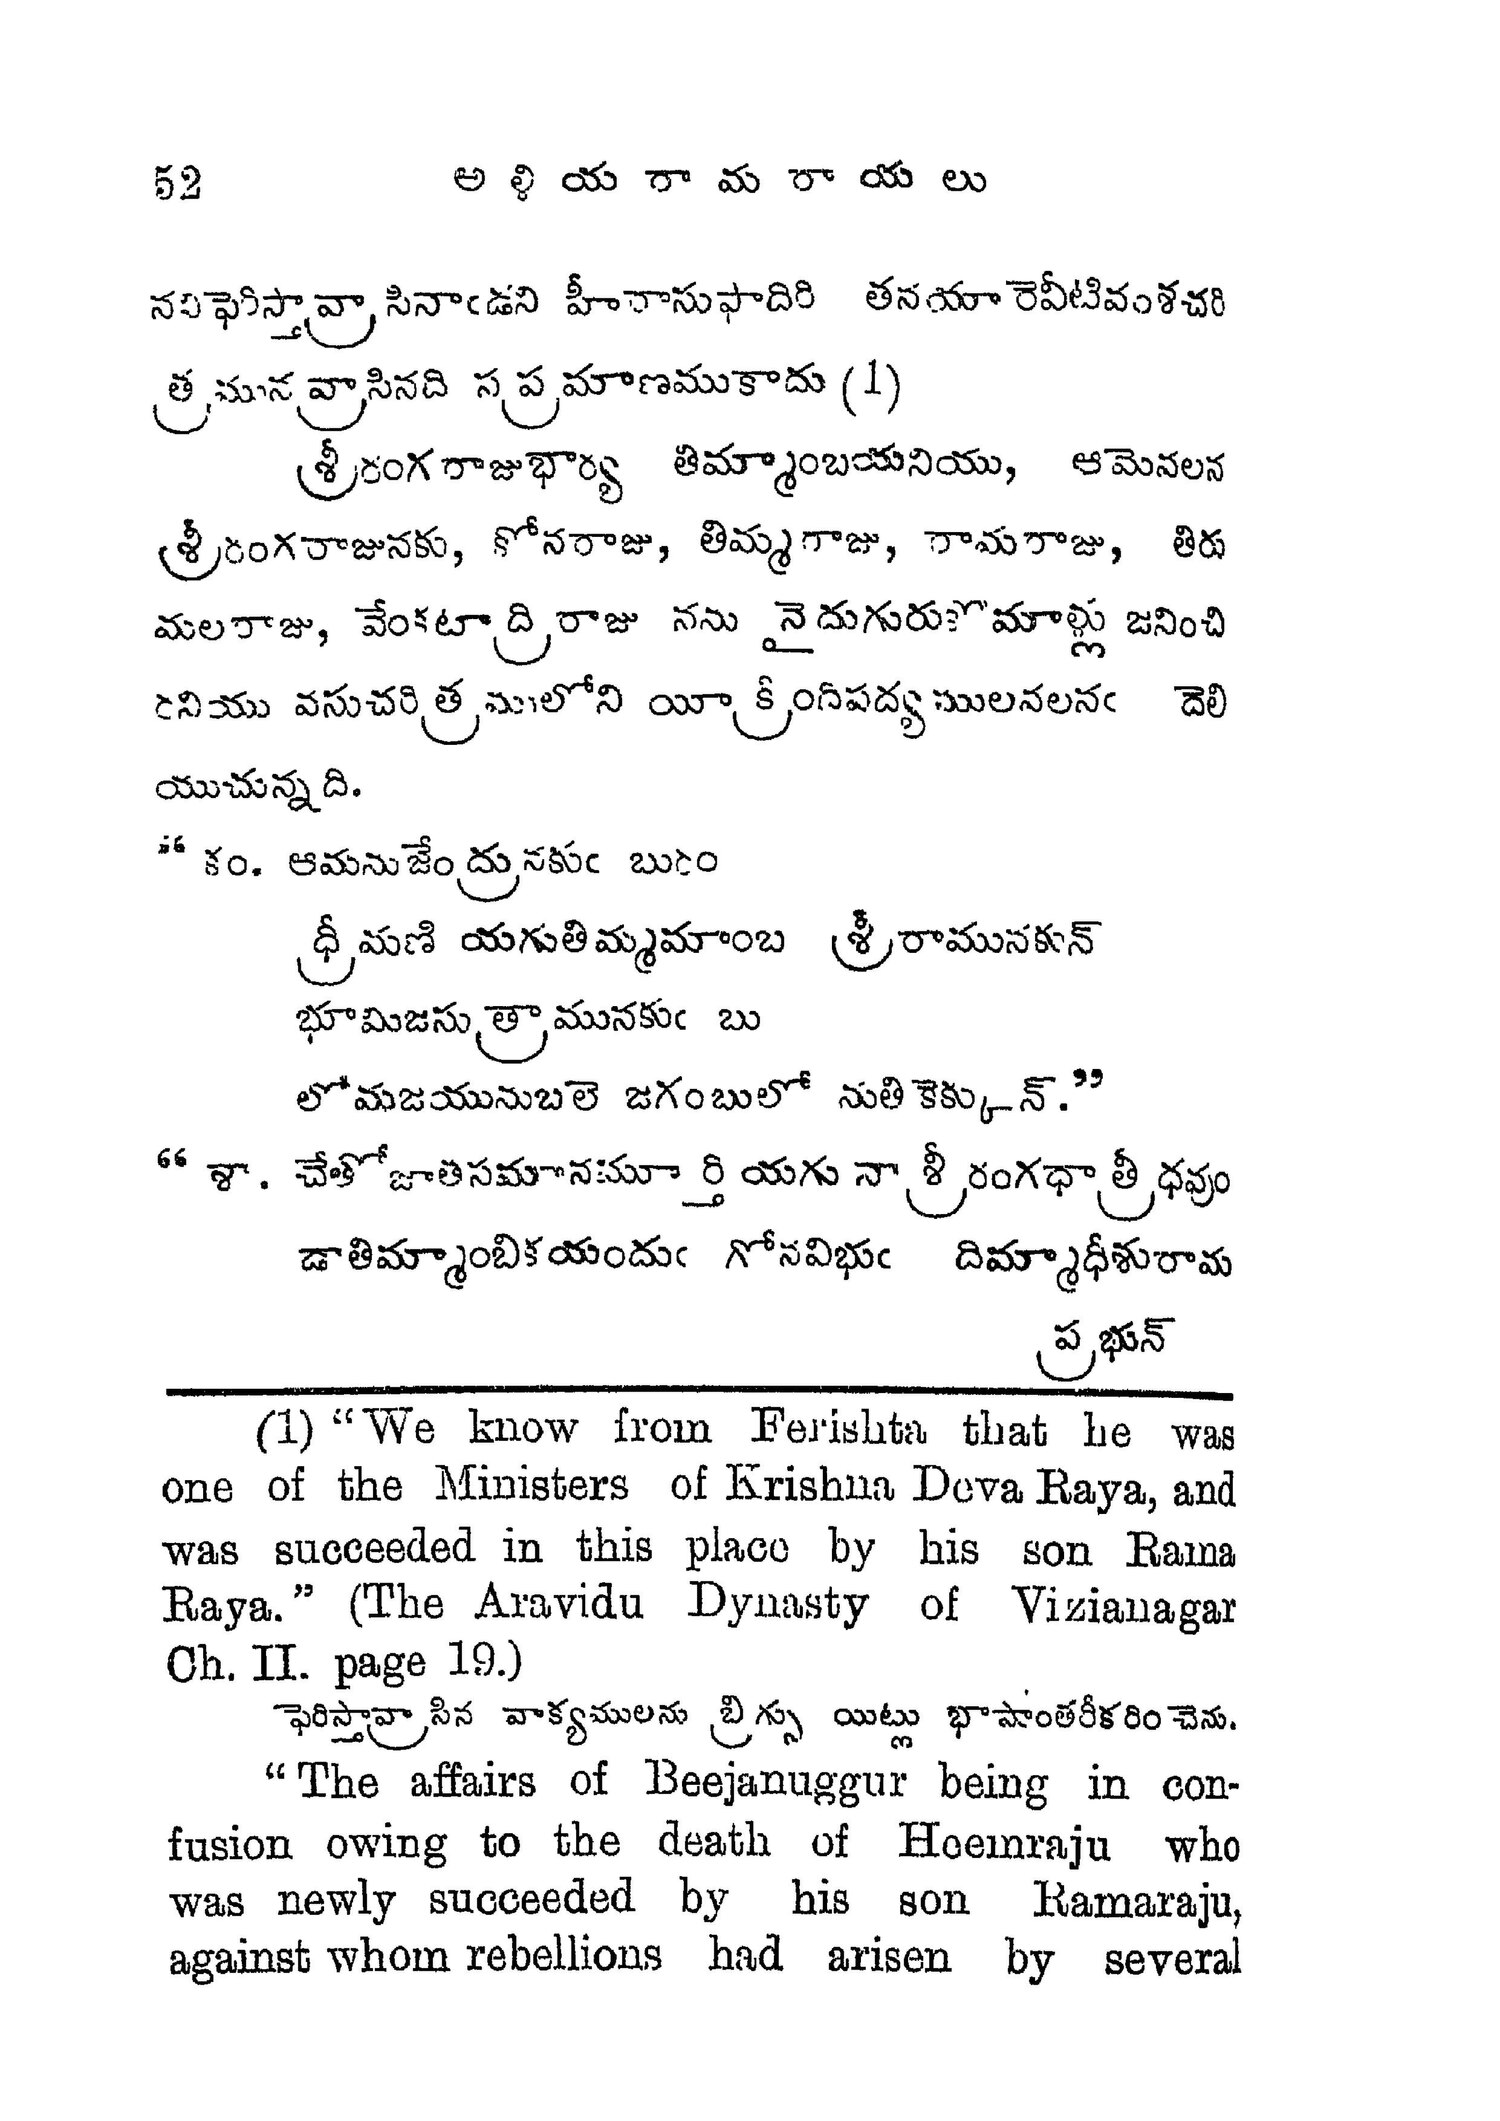ననిఫెరిస్తావ్రాసినాడని హీరానుఫాదిరి తనయారెవీటివంశచరిత్రమున వ్రాసినది నప్రమాణముకాదు 

శ్రీరంగరాజుభార్య తిమ్మాంబయనియు, ఆమెవలన శ్రీరంగరాజునకు, కోనరాజు, తిమ్మరాజు, రామరాజు, తిరుమలరాజు, వేంకటాద్రిరాజు నను నైదుగురుకొమాళ్లు జనించిరనియు వసుచరిత్రలోని యీక్రిందిపద్యములవలన దెలియుచున్నది.

 "కం. ఆమనుజేంద్రునకు బురం
 ధ్రీమణి యగుతిమ్మాంబ శ్రీరామునకున్
 భూమిజసుత్రామునకు బు
 లోమజయునుబలె జగంబులో నుతికెక్కున్."

 "శా. చేతోజాతసమానమూర్తి యగు నాశ్రీరంగధాత్రీధవుం
 డాతిమ్మాంబికయందు గోనవిభు దిమ్మాధీశురామప్రభున్